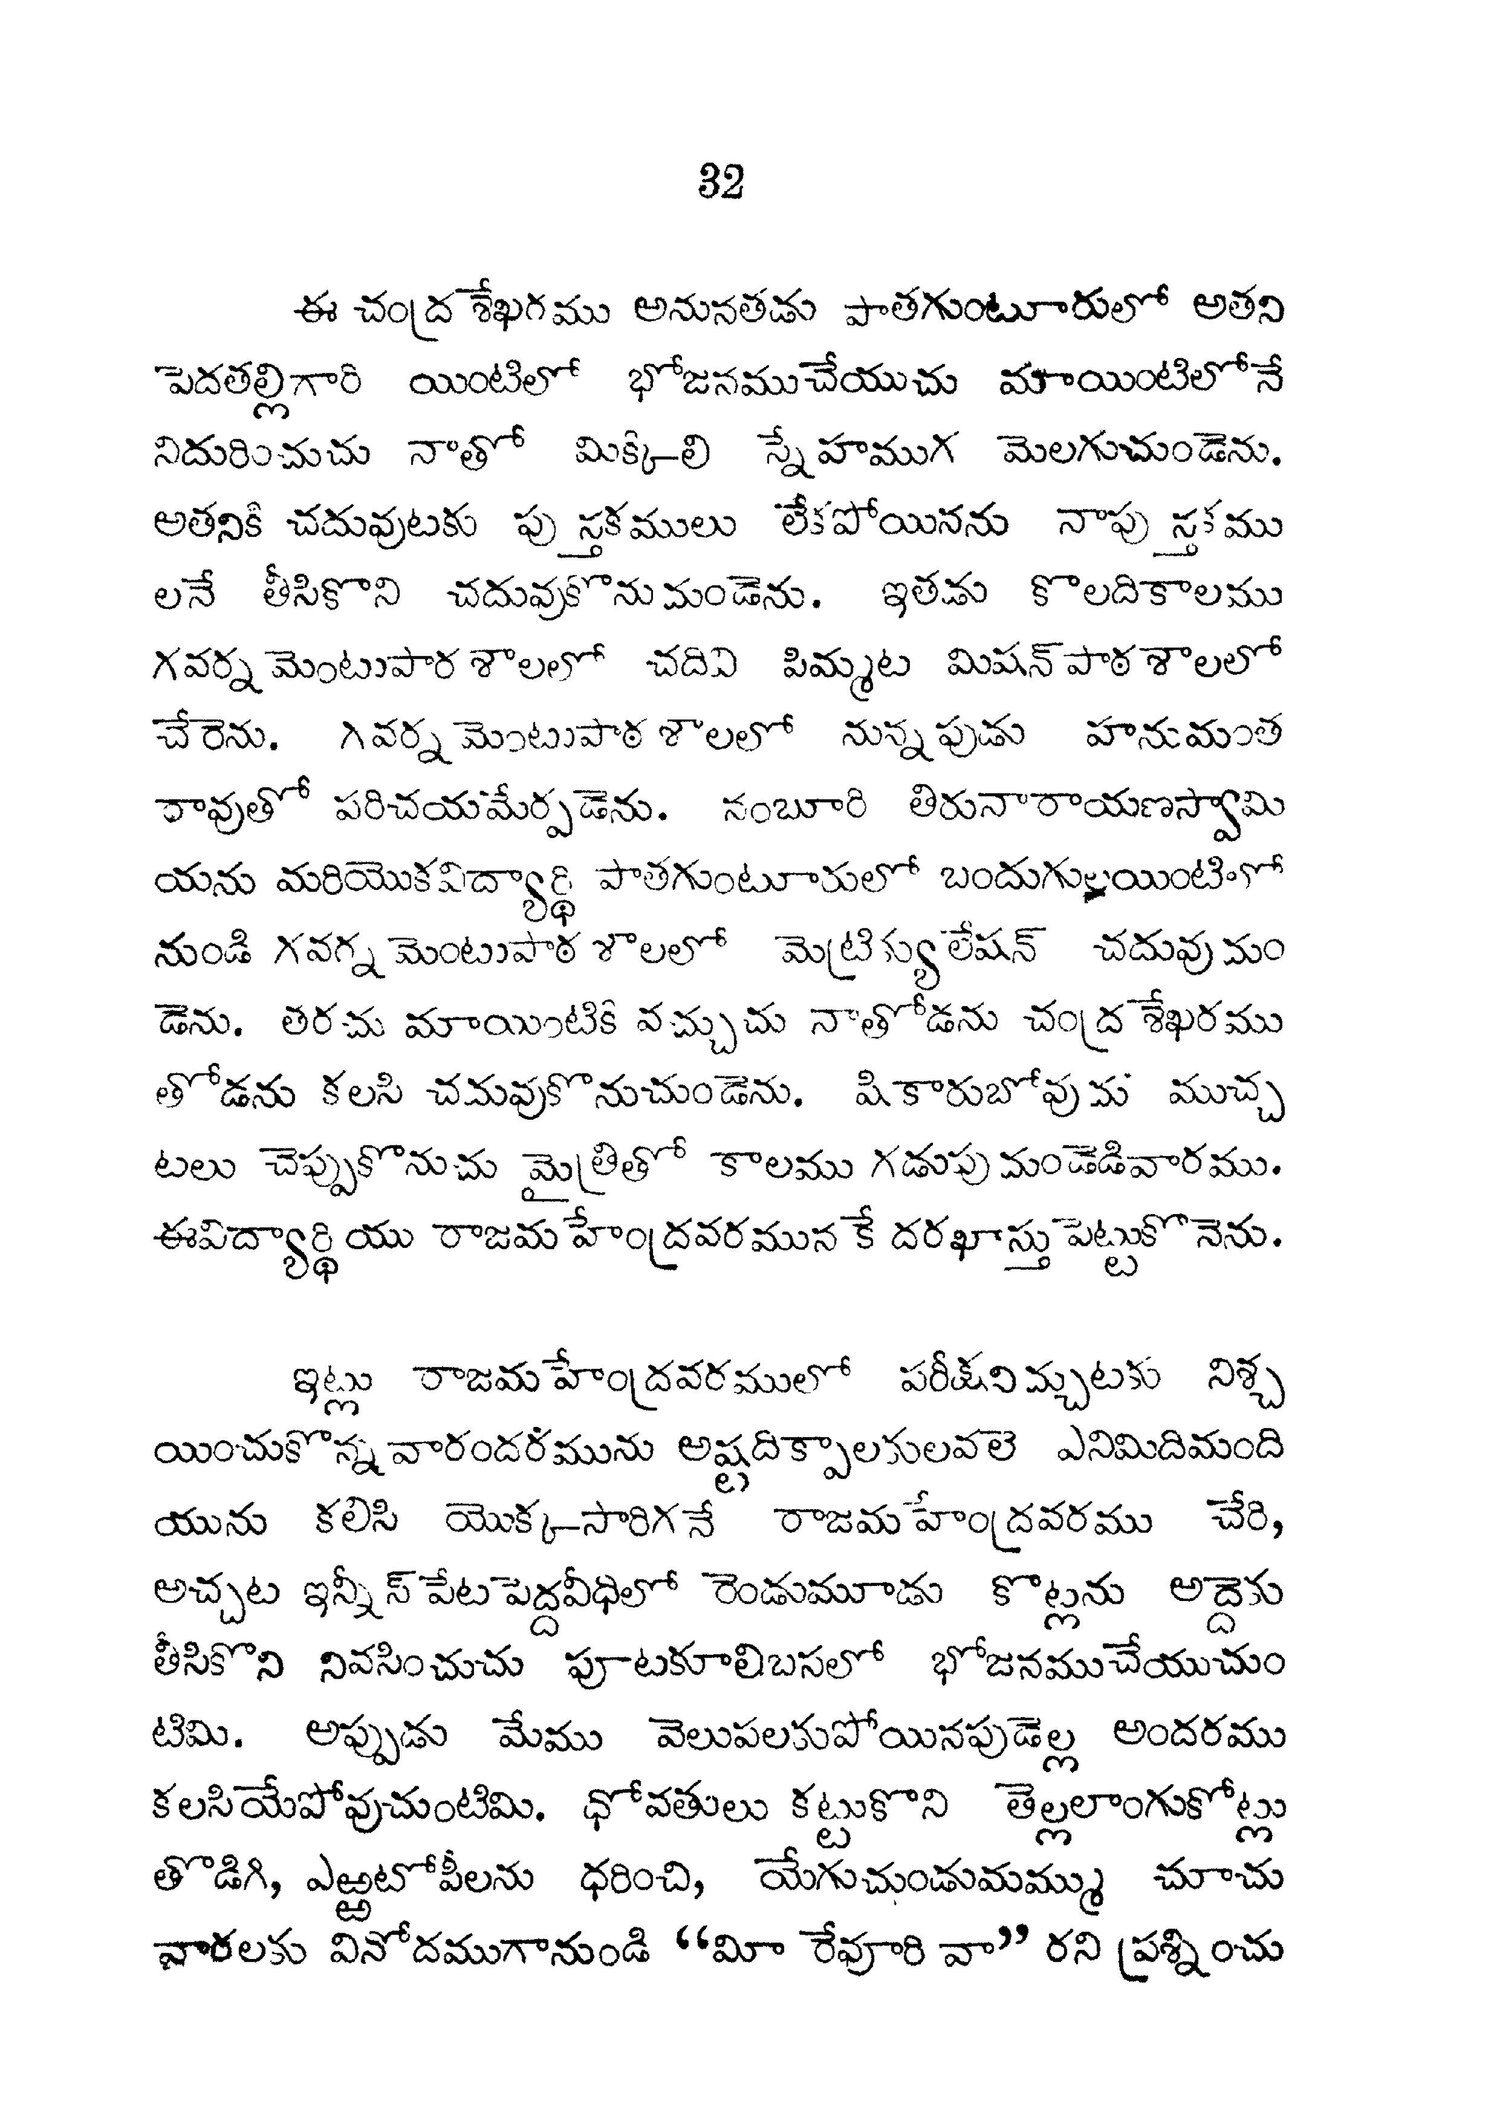ఈ చంద్రశేఖరము అనునతడు పాతగుంటూరులో అతని పెదతల్లిగారి యింటిలో భోజనముచేయుచు మాయింటిలోనే నిదురించుచు నాతో మిక్కిలి స్నేహముగ మెలగుచుండెను. అతనికి చదువుటకు పుస్తకములు లేకపోయినను నాపుస్తకములనే తీసికొని చదువుకొనుచుండెను. ఇతడు కొలదికాలము గవర్నమెంటుపాఠశాలలో చదివి పిమ్మట మిషన్‌పాఠశాలలో చేరెను. గవర్నమెంటుపాఠశాలలో నున్నపుడు హనుమంతురావుతో పరిచయమేర్పడెను. నంబూరి తిరునారాయణస్వామి యను మరియొకవిద్యార్థి పాతగుంటూరులో బందుగులయింటిలో నుండి గవర్నమెంటుపాఠశాలలో మెట్రిక్యులేషన్ చదువుచుండెను. తరచు మాయింటికి వచ్చుచు నాతోడను చంద్రశేఖరము తోడను కలసి చదువుకొనుచుండెను. షికారుబోవుచు ముచ్చటలు చెప్పుకొనుచు మైత్రితో కాలము గడుపుచుండెడివారము. ఈవిద్యార్థియు రాజమహేంద్రవరమునకే దరఖాస్తు పెట్టుకొనెను.

ఇట్లు రాజమహేంద్రవరములో పరీక్షనిచ్చుటకు నిశ్చయించుకొన్న వారందరమును అష్టదిక్పాలకులవలె ఎనిమిదిమందియును కలిసి యొక్కసారిగనే రాజమహేంద్రవరము చేరి, అచ్చట ఇన్నీస్‌పేటపెద్దవీధిలో రెండుమూడు కొట్లను అద్దెకు తీసికొని నివసించుచు పూటకూలిబసలో భోజనముచేయుచుంటిమి. అప్పుడు మేము వెలుపలకుపోయినపుడెల్ల అందరము కలిసియేపోవుచుంటిమి. ధోవతులు కట్టుకొని తెల్లలాంగుకోట్లు తొడిగి, ఎఱ్ఱటోపీలను ధరించి, యేగుచుండుమమ్ము చూచువారలకు వినోదముగానుండి "మీ రేవూరి వా"రని ప్రశ్నించు